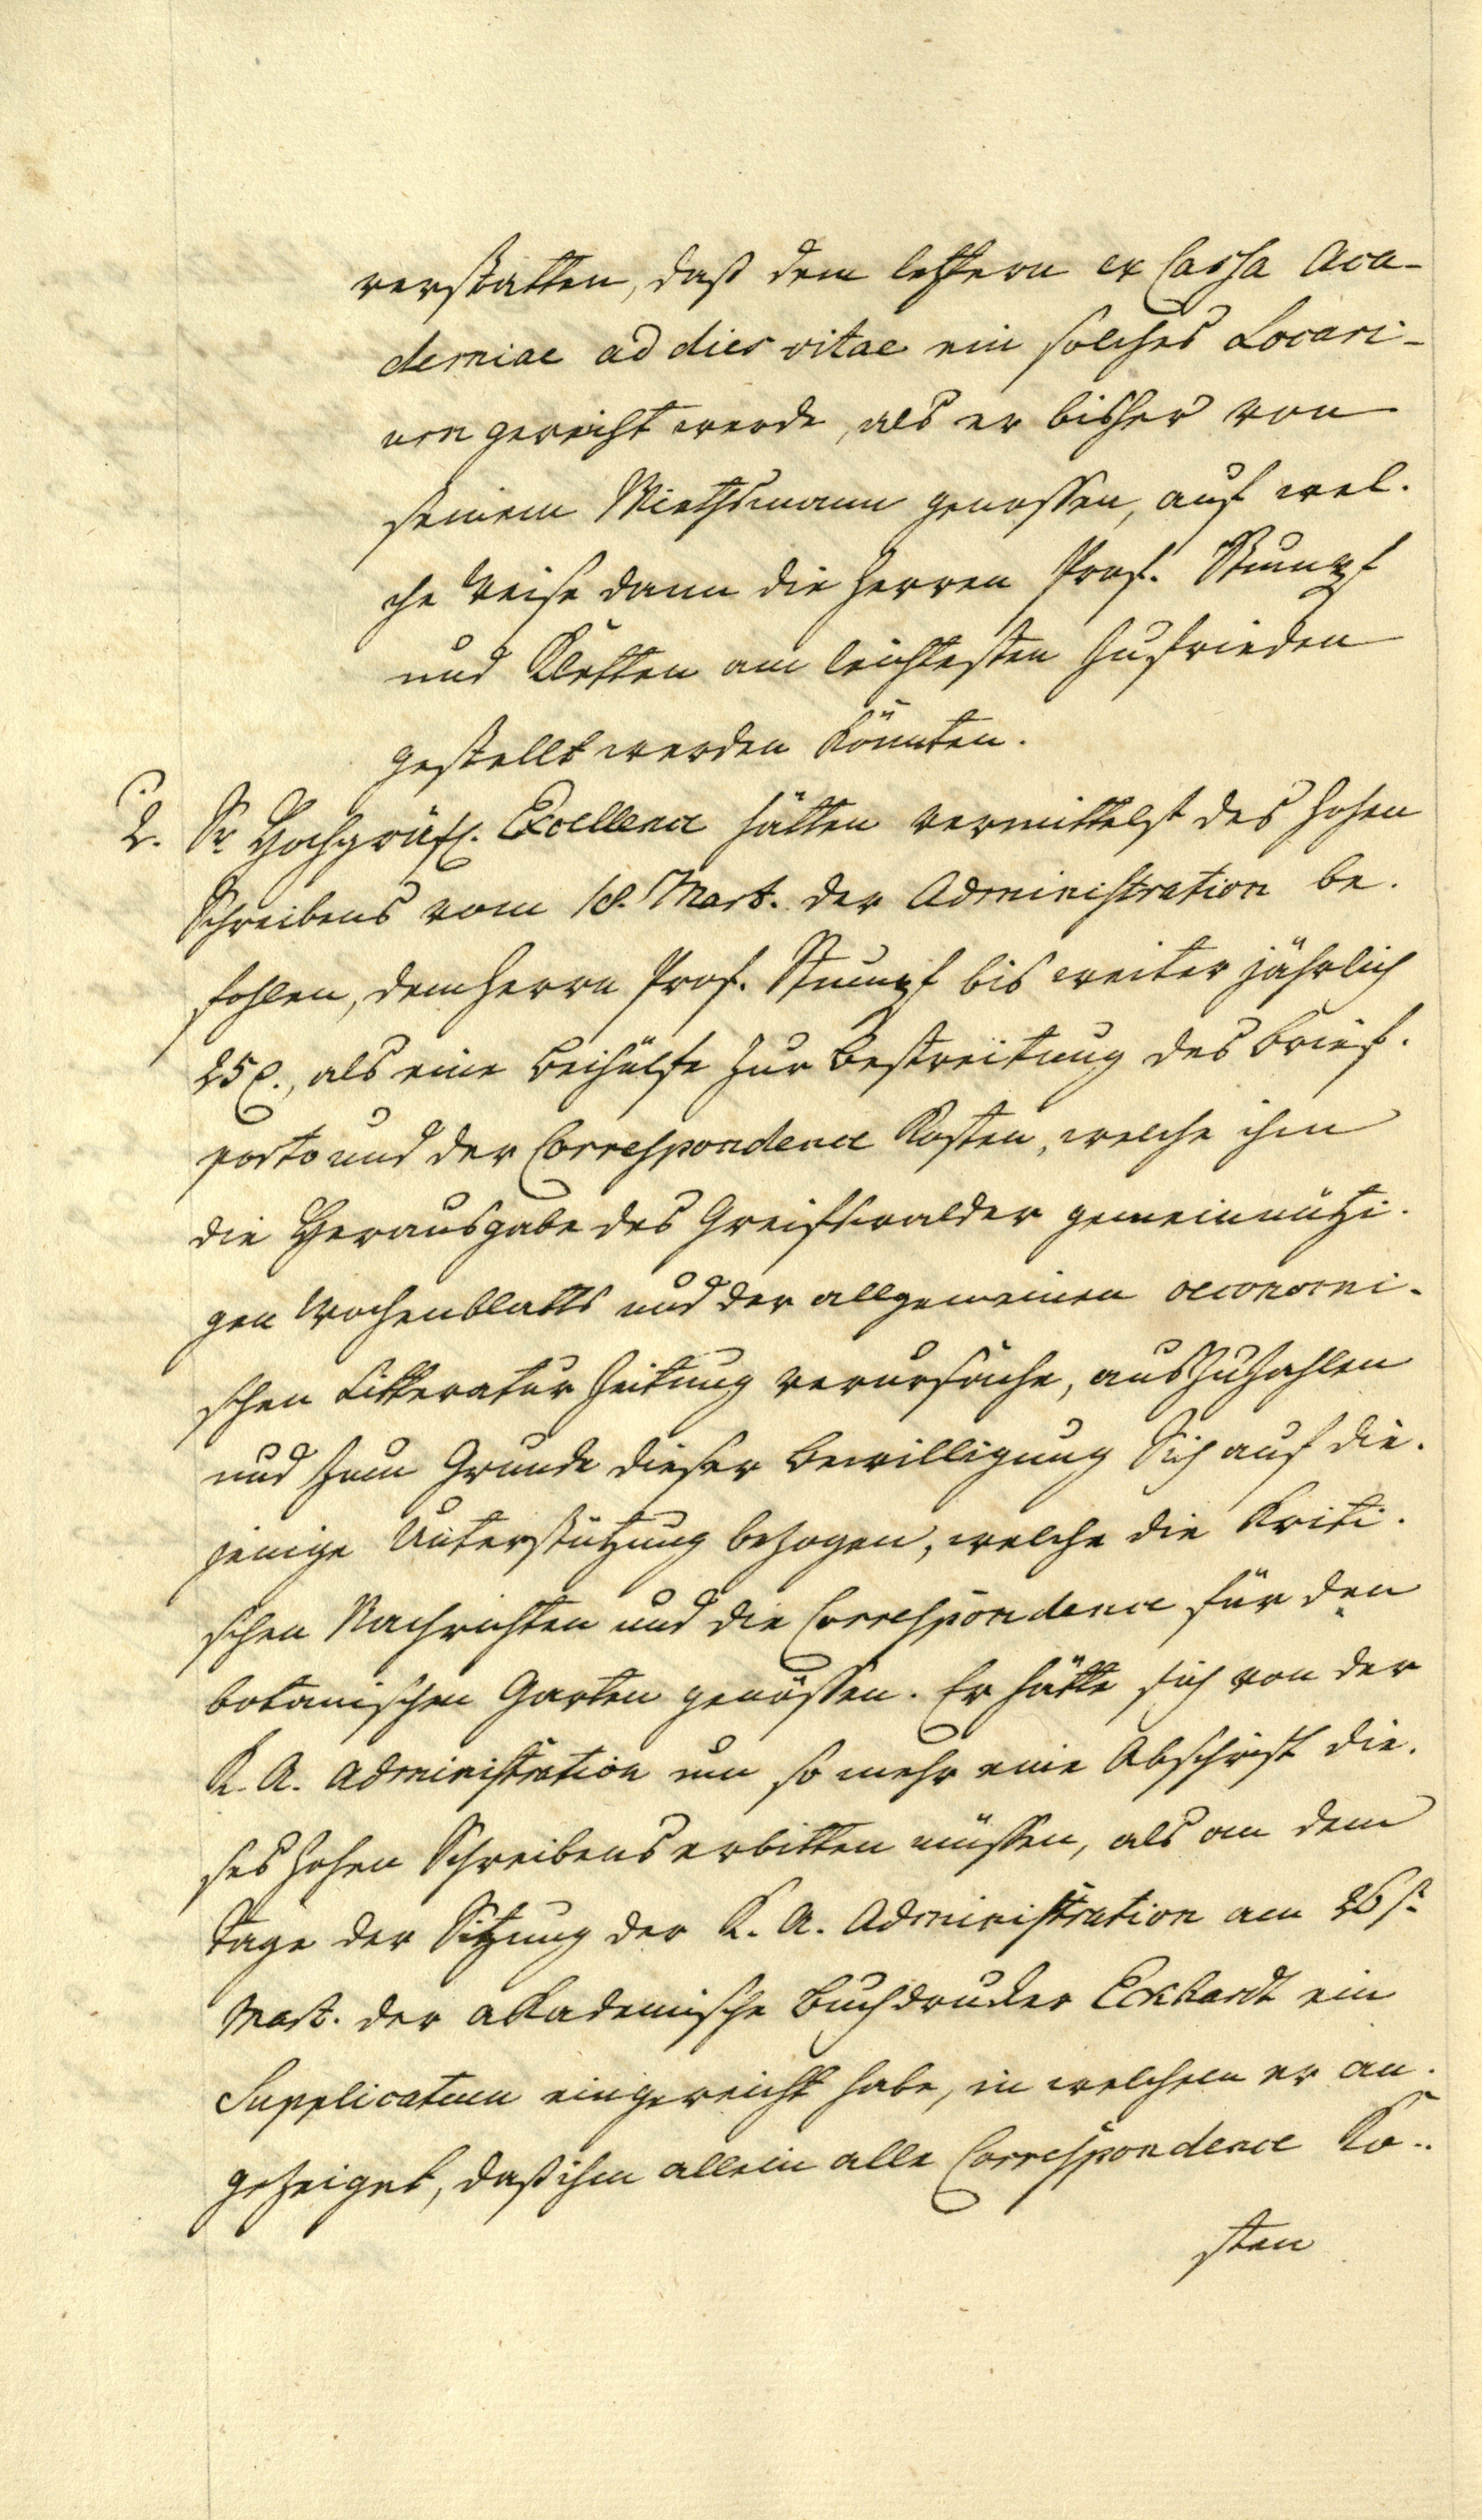verstatten, daß dem letztern ex Cassa Aca¬
demiae ad dies vitae ein solches Locari¬
um gereicht werde, als er bisher von
seinem Miethsmann genossen, auf wel¬
che Weise dann die Herren Prof. Stumpf
und Kletten am leichtesten zufrieden
gestellt werden könnten.
2. Sr Hochgräfl. Excellence hätten vermittelst des hohen
Schreibens vom 18 Mart. der Administration be¬
fohlen, dem Herrn Prof. Stumpf bis weiter jährlich
25 l. als eine Beihülfe zur Bestreitung des Brief¬
porto und der Correspondence, welche ihm
die Herausgabe des Greifswalder gemeinnützi¬
gen Wochenblatts und der allgemeinen oeconomi¬
schen Litteratur Zeitung verursache, auszuzahlen
und zum Grunde dieser Bewilligung Sich auf die¬
jenige Unterstützung bezogen, welche die Kriti¬
schen Nachrichten und die Correspondence für den
botanischen Garten genössen. Er hätte sich von der
K. A. Administration um so mehr eine Abschrift die¬
ses hohen Schreibens erbitten müssen, als an dem
Tage der Sitzung der K. A. Administration am 26 t.
Mart. der akademische Buchdrucker Eckhardt ein
Supplicatum eingereicht habe, in welchem er an¬
gezeiget, daß ihm allein alle Correspondence Ko¬
sten